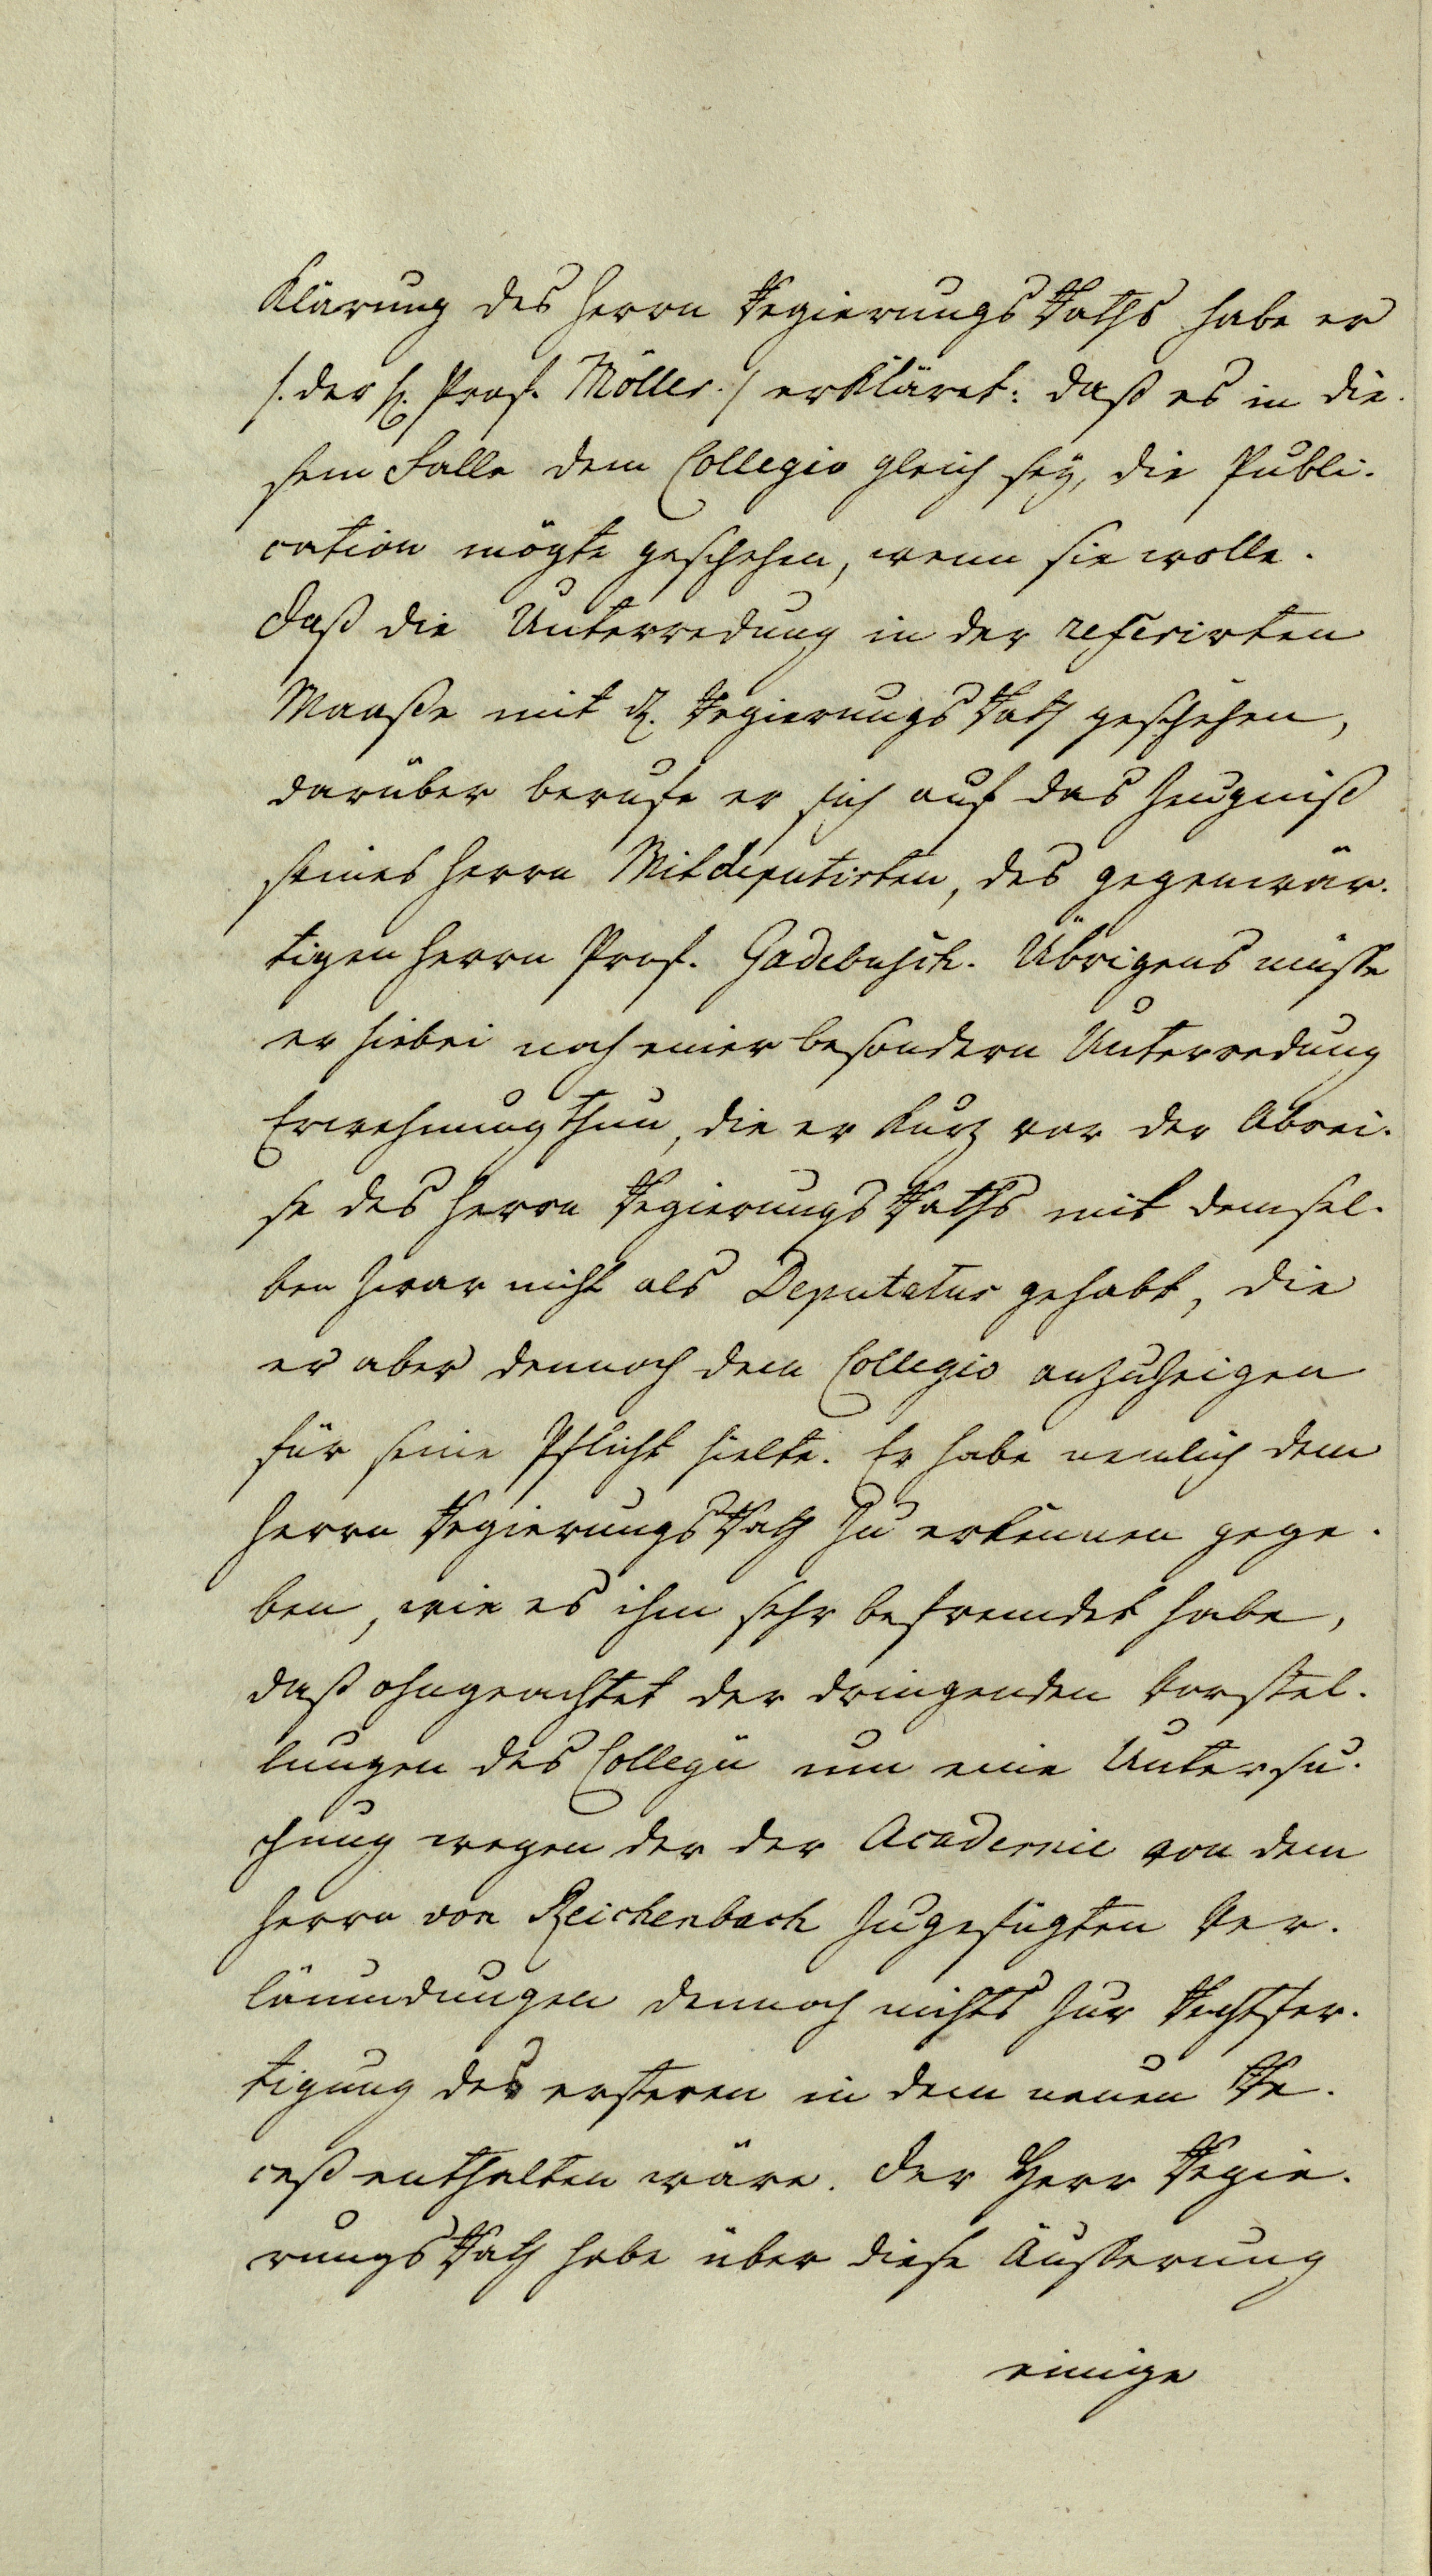klärung des Herrn Regierungs Raths habe er
/. der h. Prof. Möller ./ erkläret: daß es in die¬
sem Falle dem Collegio gleich seÿ, die Publi¬
cation mögte geschehen, wenn sie wolle.
Daß die Unterredung in der referirten
Maaße mit dh. Regierungs Rath geschehen,
darüber berufe er sich auf das Zeugniß
seines Herrn Mitdeputirten, des gegenwär¬
tigen Herrn Prof. Gadebusch. Übrigens müsse
er hiebei noch einer besondern Unterredung
Erwehnung thun, die er kurz vor der Abrei¬
se des Herrn Regierungs Raths mit demsel¬
ben zwar nicht als Deputatus gehabt, die
er aber dennoch dem Collegio anzuzeigen
für seine Pflicht hielte. Er habe nemlich dem
Herrn Regierungs Rath zu erkennen gege¬
ben wie es ihm sehr befremdet habe,
daß ohngeachtet der dringenden Vorstel¬
lungen des Collegii um eine Untersu¬
chung wegen der der Academie von dem
Herrn von Reichenbach zugefügten Ver¬
läumdungen dennoch nichts zur Rechtfer¬
tigung des ersteren in dem neuen Re¬
ceß enthalten wäre. Der Herr Regie¬
rungs Rath habe über diese Äusserung
einige